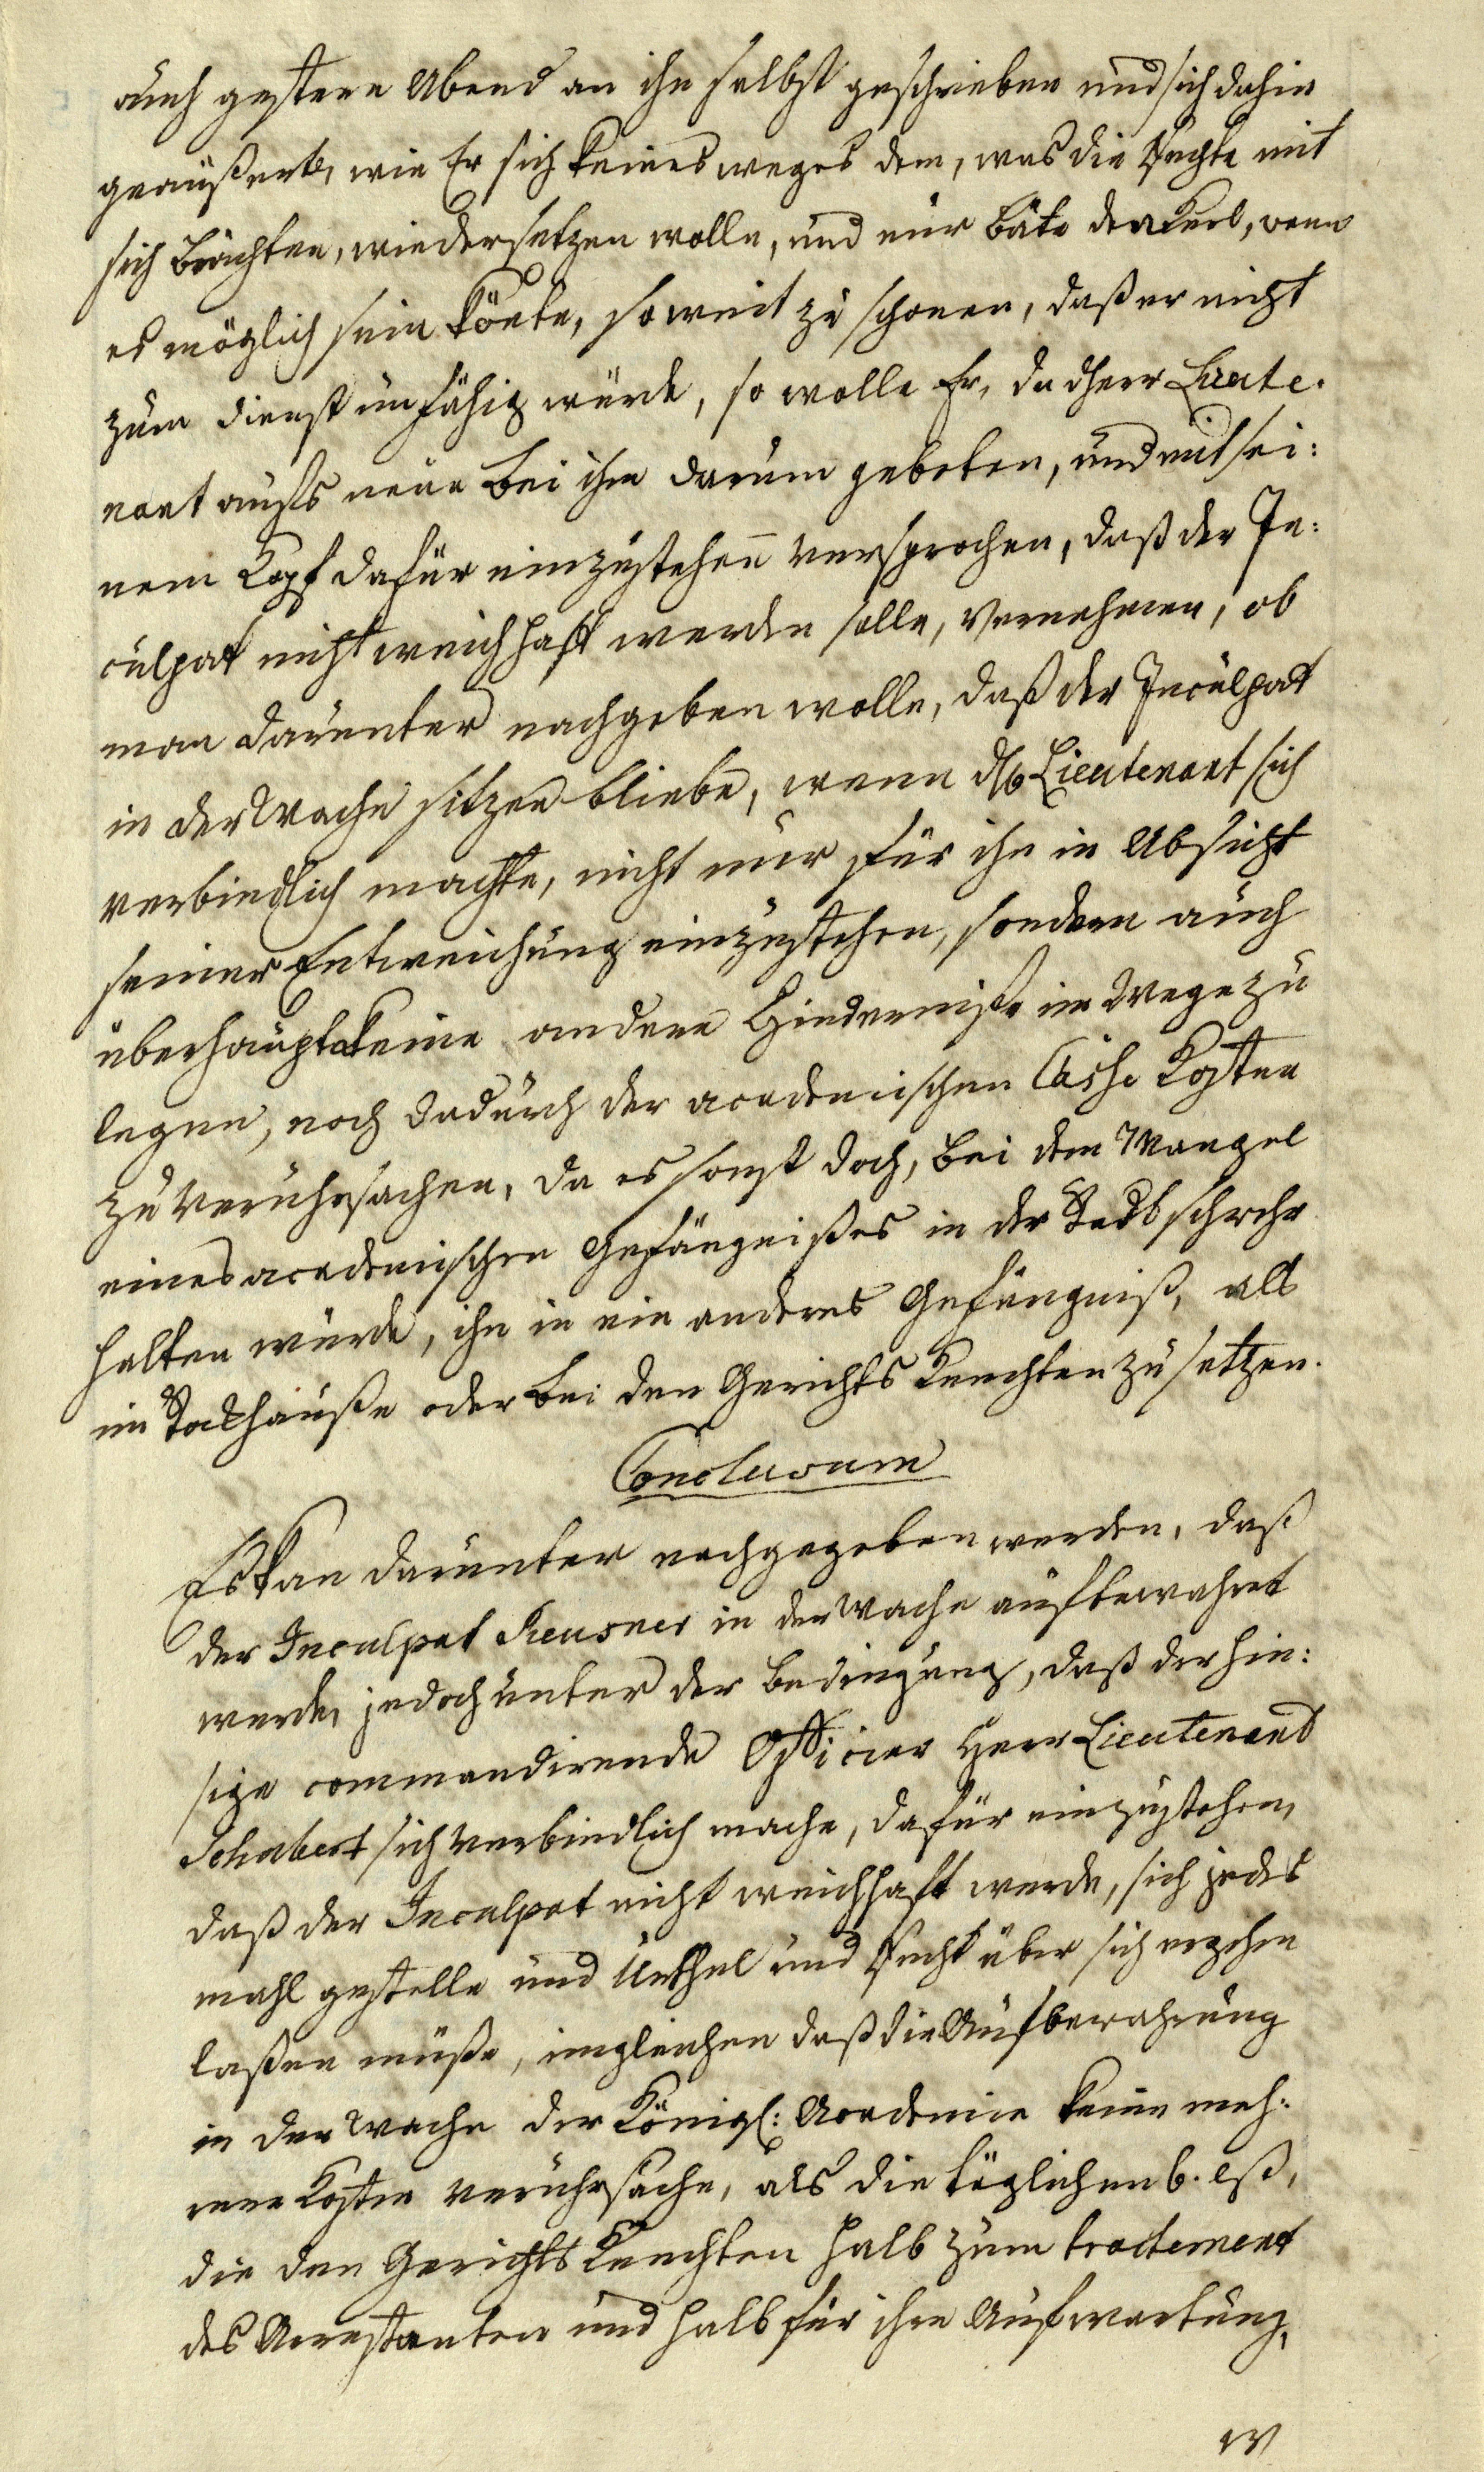auch gestern Abend an Ihn selbst geschrieben und sich dahin
geäußert, wie Er sich keines weges dem, was was die Rechte mit
sich brächten, wiedersetzen wolle, und nur bäte den Kerl, wenn
es möglich sein könte, soweit zu schonen, daß er nicht
zum Dienst unfähig würde, so wolle Er, da dherr Lieute¬
nant aufs neue bei ihm darum gebeten, und mit sei¬
nem Kopf dafür einzustehen versprochen, daß der In¬
culpat nicht weichhaft werden solle, vernehmen, ob
man darunter nachgeben wolle, daß der Inculpat
in der Wache sitzen bliebe, wenn dh Lieutenant sich
verbindlich machte, nicht nur für ihn in Absicht
seiner Entweichung einzustehen, sondern auch
überhauptkeine andern Hinderniße im Wege zu
legen, noch dadurch der academischen Casse Kosten
zu veruhrsachen, da es sonst doch, bei dem Mangel
eines academischen Gefängnißes in der Stadt schwehr
halten würde, ihn in ein anderes Gefängniß, als
im Stockhause oder bei den Gerichts Knechten zu setzen.
Conclusum
Es kan darunter nachgegeben werden, daß
der Inculpat Reusner in der Wache aufbewahret
werde, jedoch unter der Bedingung, daß der hie¬
sige commandirende Officier Herr Lieutenant
Schubert sich verbindlich mache, dafür einzustehen,
daß der Inculpat nicht weichhaft werde, sich jedes
mahl gestelle und Urthel und Recht über sich ergehen
laßen müße, imgleichen daß die Aufbewahrung
in der Wache der Königl. Academie keine meh¬
rere Kosten verursache, als die täglichen 6. s.
die den Gerichts Knechten halb zum tractement
des Arrestanten und halb für ihre Aufwartung,
es